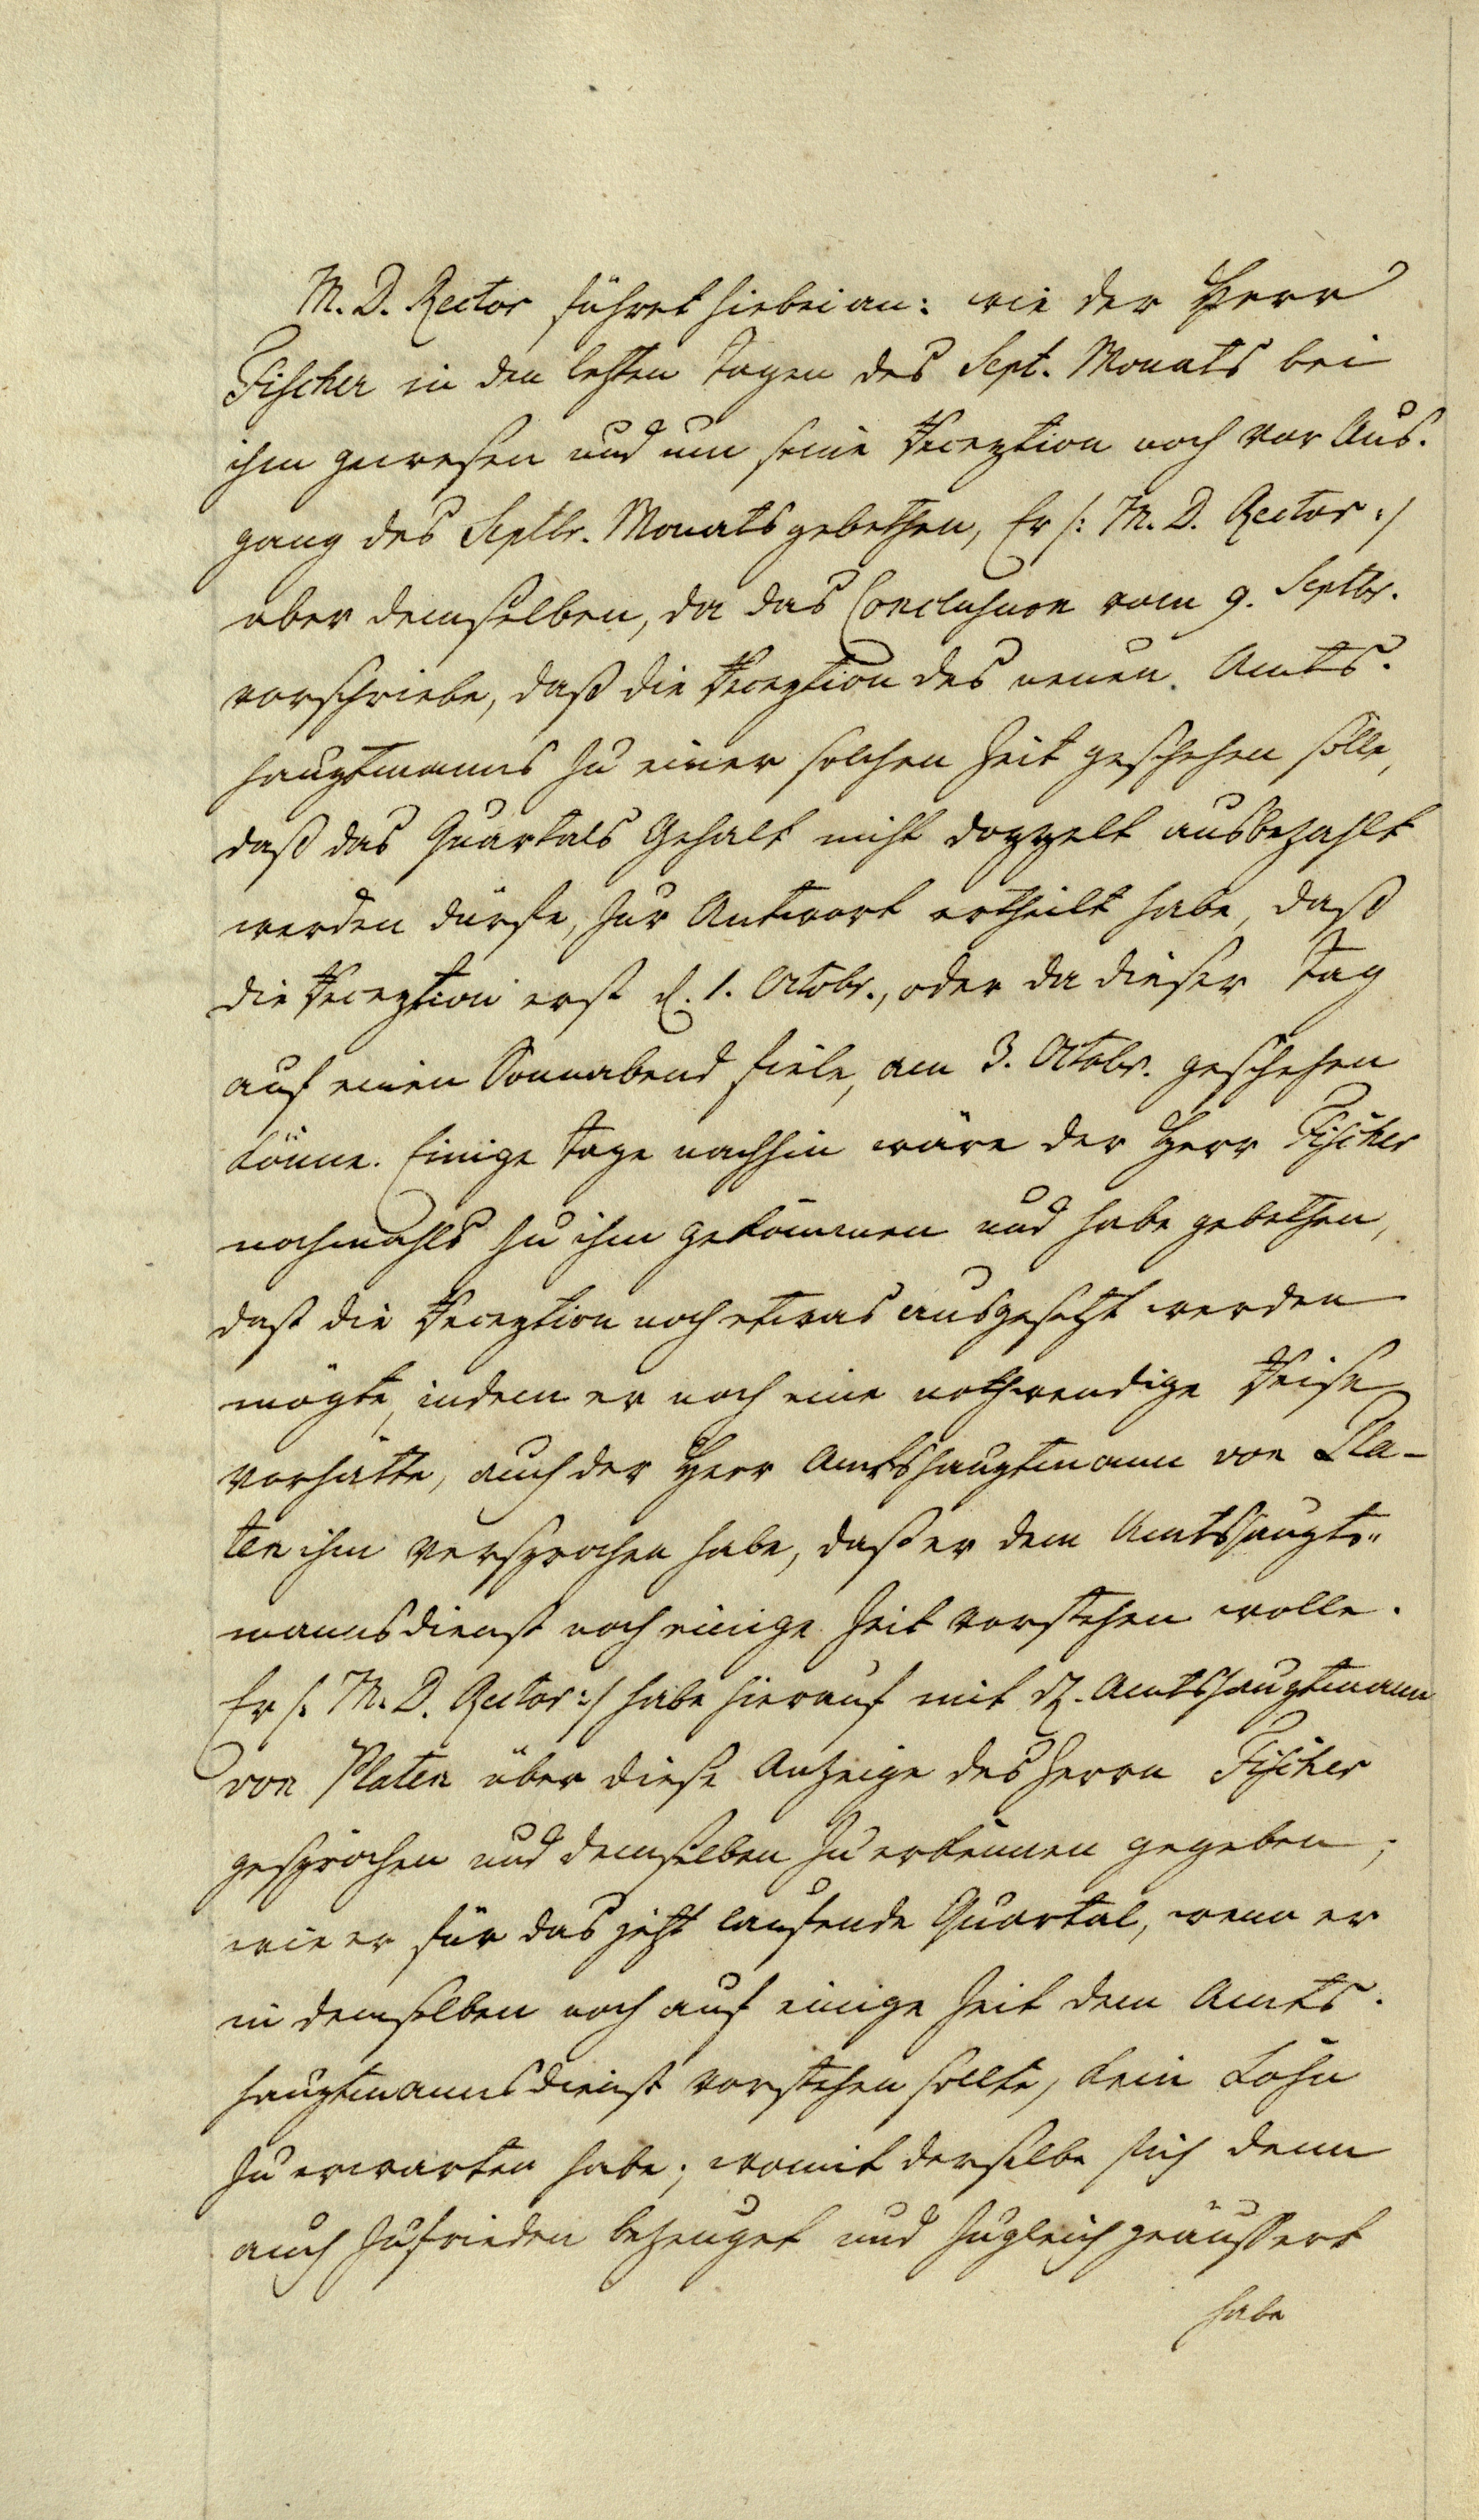M. D. Rector führet hiebei an: wie der Herr
Fischer in den letzten Tagen des Sept. Monats bei
ihm gewesen und um seine Reception noch vor Aus¬
gang des Septbr. Monats gebethen, Er /. M. D. Rector :/
aber demselben, da das Conclusum vom 9. Septbr.
vorschriebe, daß die Reception des neuen. Amts¬
hauptmanns zu einer solchen Zeit geschehen solle,
daß das Quartals Gehalt nicht doppelt ausbezahlt
werden dürfe, zur Antwort ertheilt habe, daß
die Reception erst d. 1. Octbr., oder da dieser Tag
auf einen Sonnabend fiele, am 3. Octobr. geschehen
könne. Einge Tage nachhin wäre der Herr Fischer
nochmahls zu ihm gekommen und habe gebethen,
daß die Reception noch etwas ausgesetzt werden
mögte, indem er noch eine nothwendige Reise
vorhätte, auch der Herr Amtshauptmann von Pla¬
ten ihm versprochen habe, daß er dem Amtshaupt¬
mannsdienst noch einige Zeit vorstehen wolle.
Er /. M. D. Rector :/ habe hierauf mit dh. Amtshauptmann
von Platen über diese Anzeige des Herrn Fischer
gesprochen und demselben zu erkennen gegeben;
wie er für das jetzt laufende Quartal, wenn er
in demselben noch auf einige Zeit dem Amts¬
hauptmannsdienst vorstehen sollte, kein Lohn
zu erwarten habe; womit derselbe sich denn
auch zufrieden bezeuget und zugleich geäussert
habe